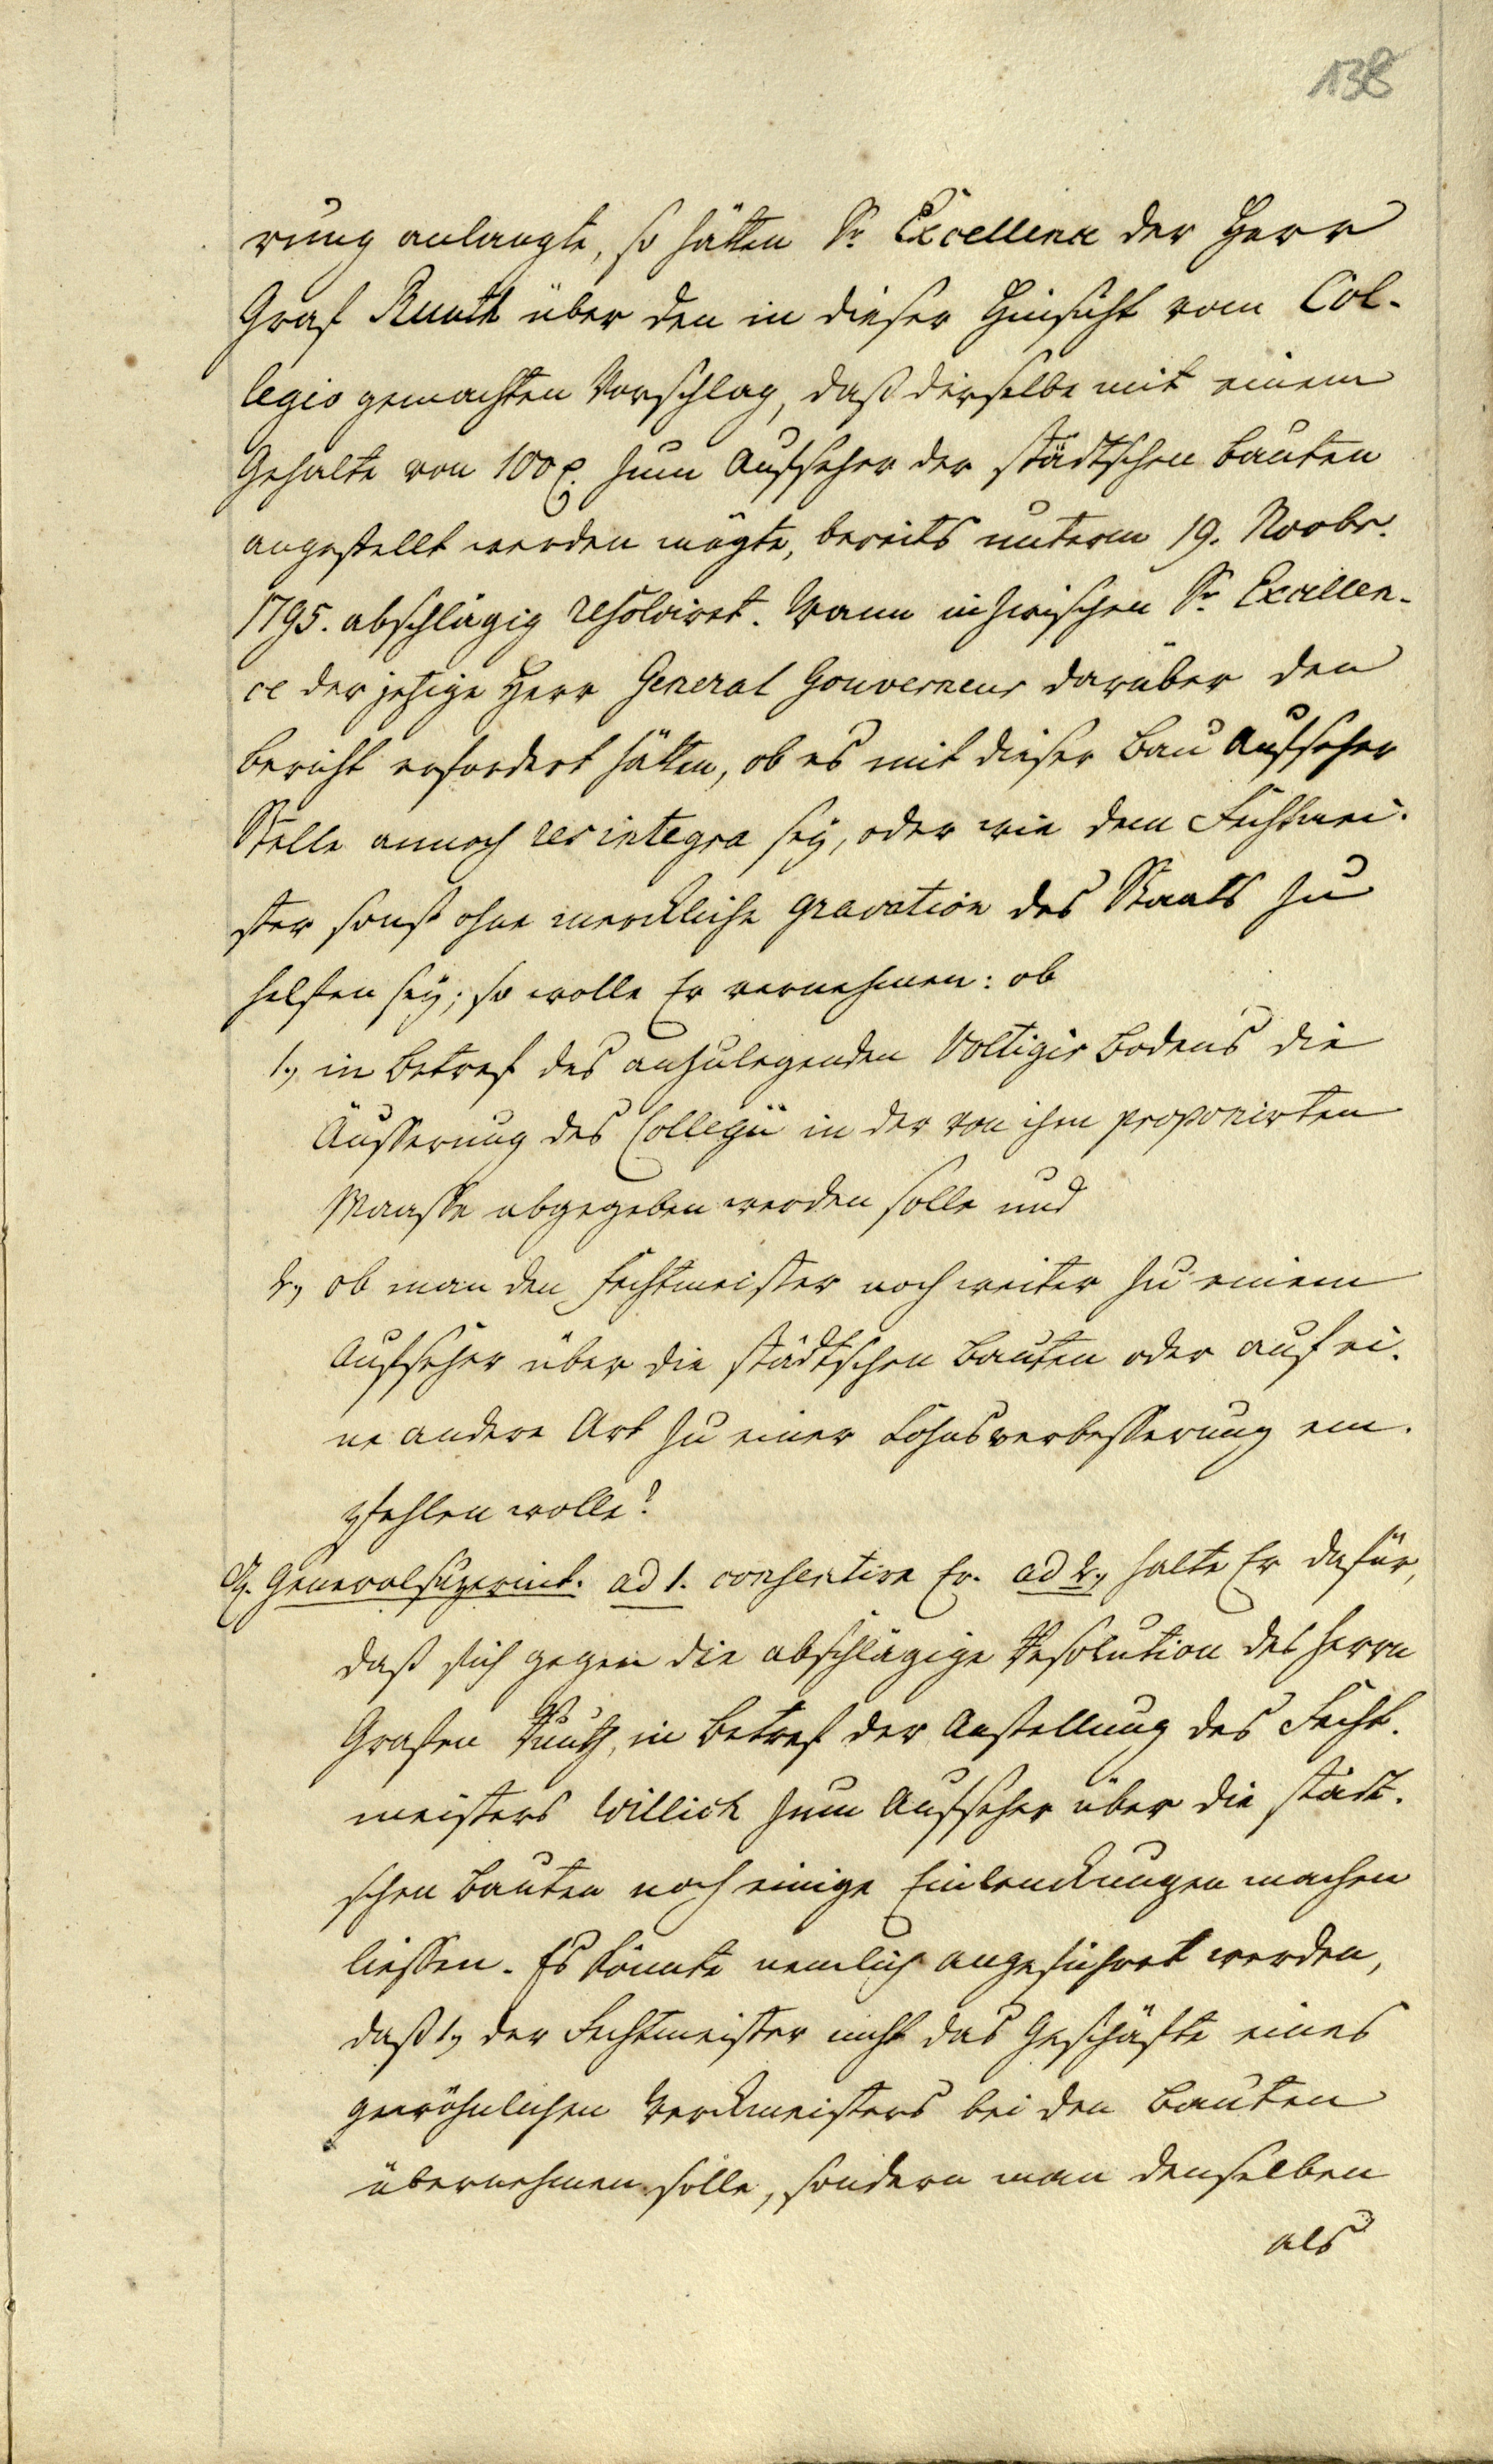rung anlangte, so hätten Sr Excellence der Herr
Graf Ruuth über den in dieser Hinsicht vom Col¬
legio gemachten Vorschlag, daß derselbe mit einem
Gehalte von 100 l. zum Aufseher der städtschen Bauten
angestellt werden mögte, bereits unterm 19. Novbr.
1795. abschlagig resolviret. Wann inzwischen Sr Excellen¬
ce der jetzige Herr General Gouverneur darüber den
Bericht erfordert hätten, ob es mit dieser Bau Aufseher
Stelle annoch res integra seÿ, oder wie dem Fechtmei¬
ster sonst ohne merckliche Gravation des Staats zu
helfen seÿ; so wolle Er vernehmen: ob
1., in Betref des anzulegenden Voltigir Bodens die
Äusserung des Collegii in der von ihm proponirten
Maasse abgegeben werden solle und
2., ob man den Fechtmeister noch weiter zu einem
Aufseher über die städtschen Bauten oder auf ei¬
ne andere Art zu einer Lohnsverbesserung em¬
pfehlen wolle?
dh. Generalsuperint. ad 1. consentire Er. ad 2. halte Er dafür,
daß sich gegen die abschlägige Resolution des Herrn
Grafen Ruuth in Betref der Anstellung des Fecht¬
meisters Willich zum Aufseher über die städt¬
schen Bauten noch einige Einlenckungen machen
liessen. Es könnte nemlich angeführet werden,
daß 1., der Fechtmeister nicht das Geschäfte eines
gewöhnlichen Werckmeisters bei den Bauten
übernehmen solle, sondern man denselben
als